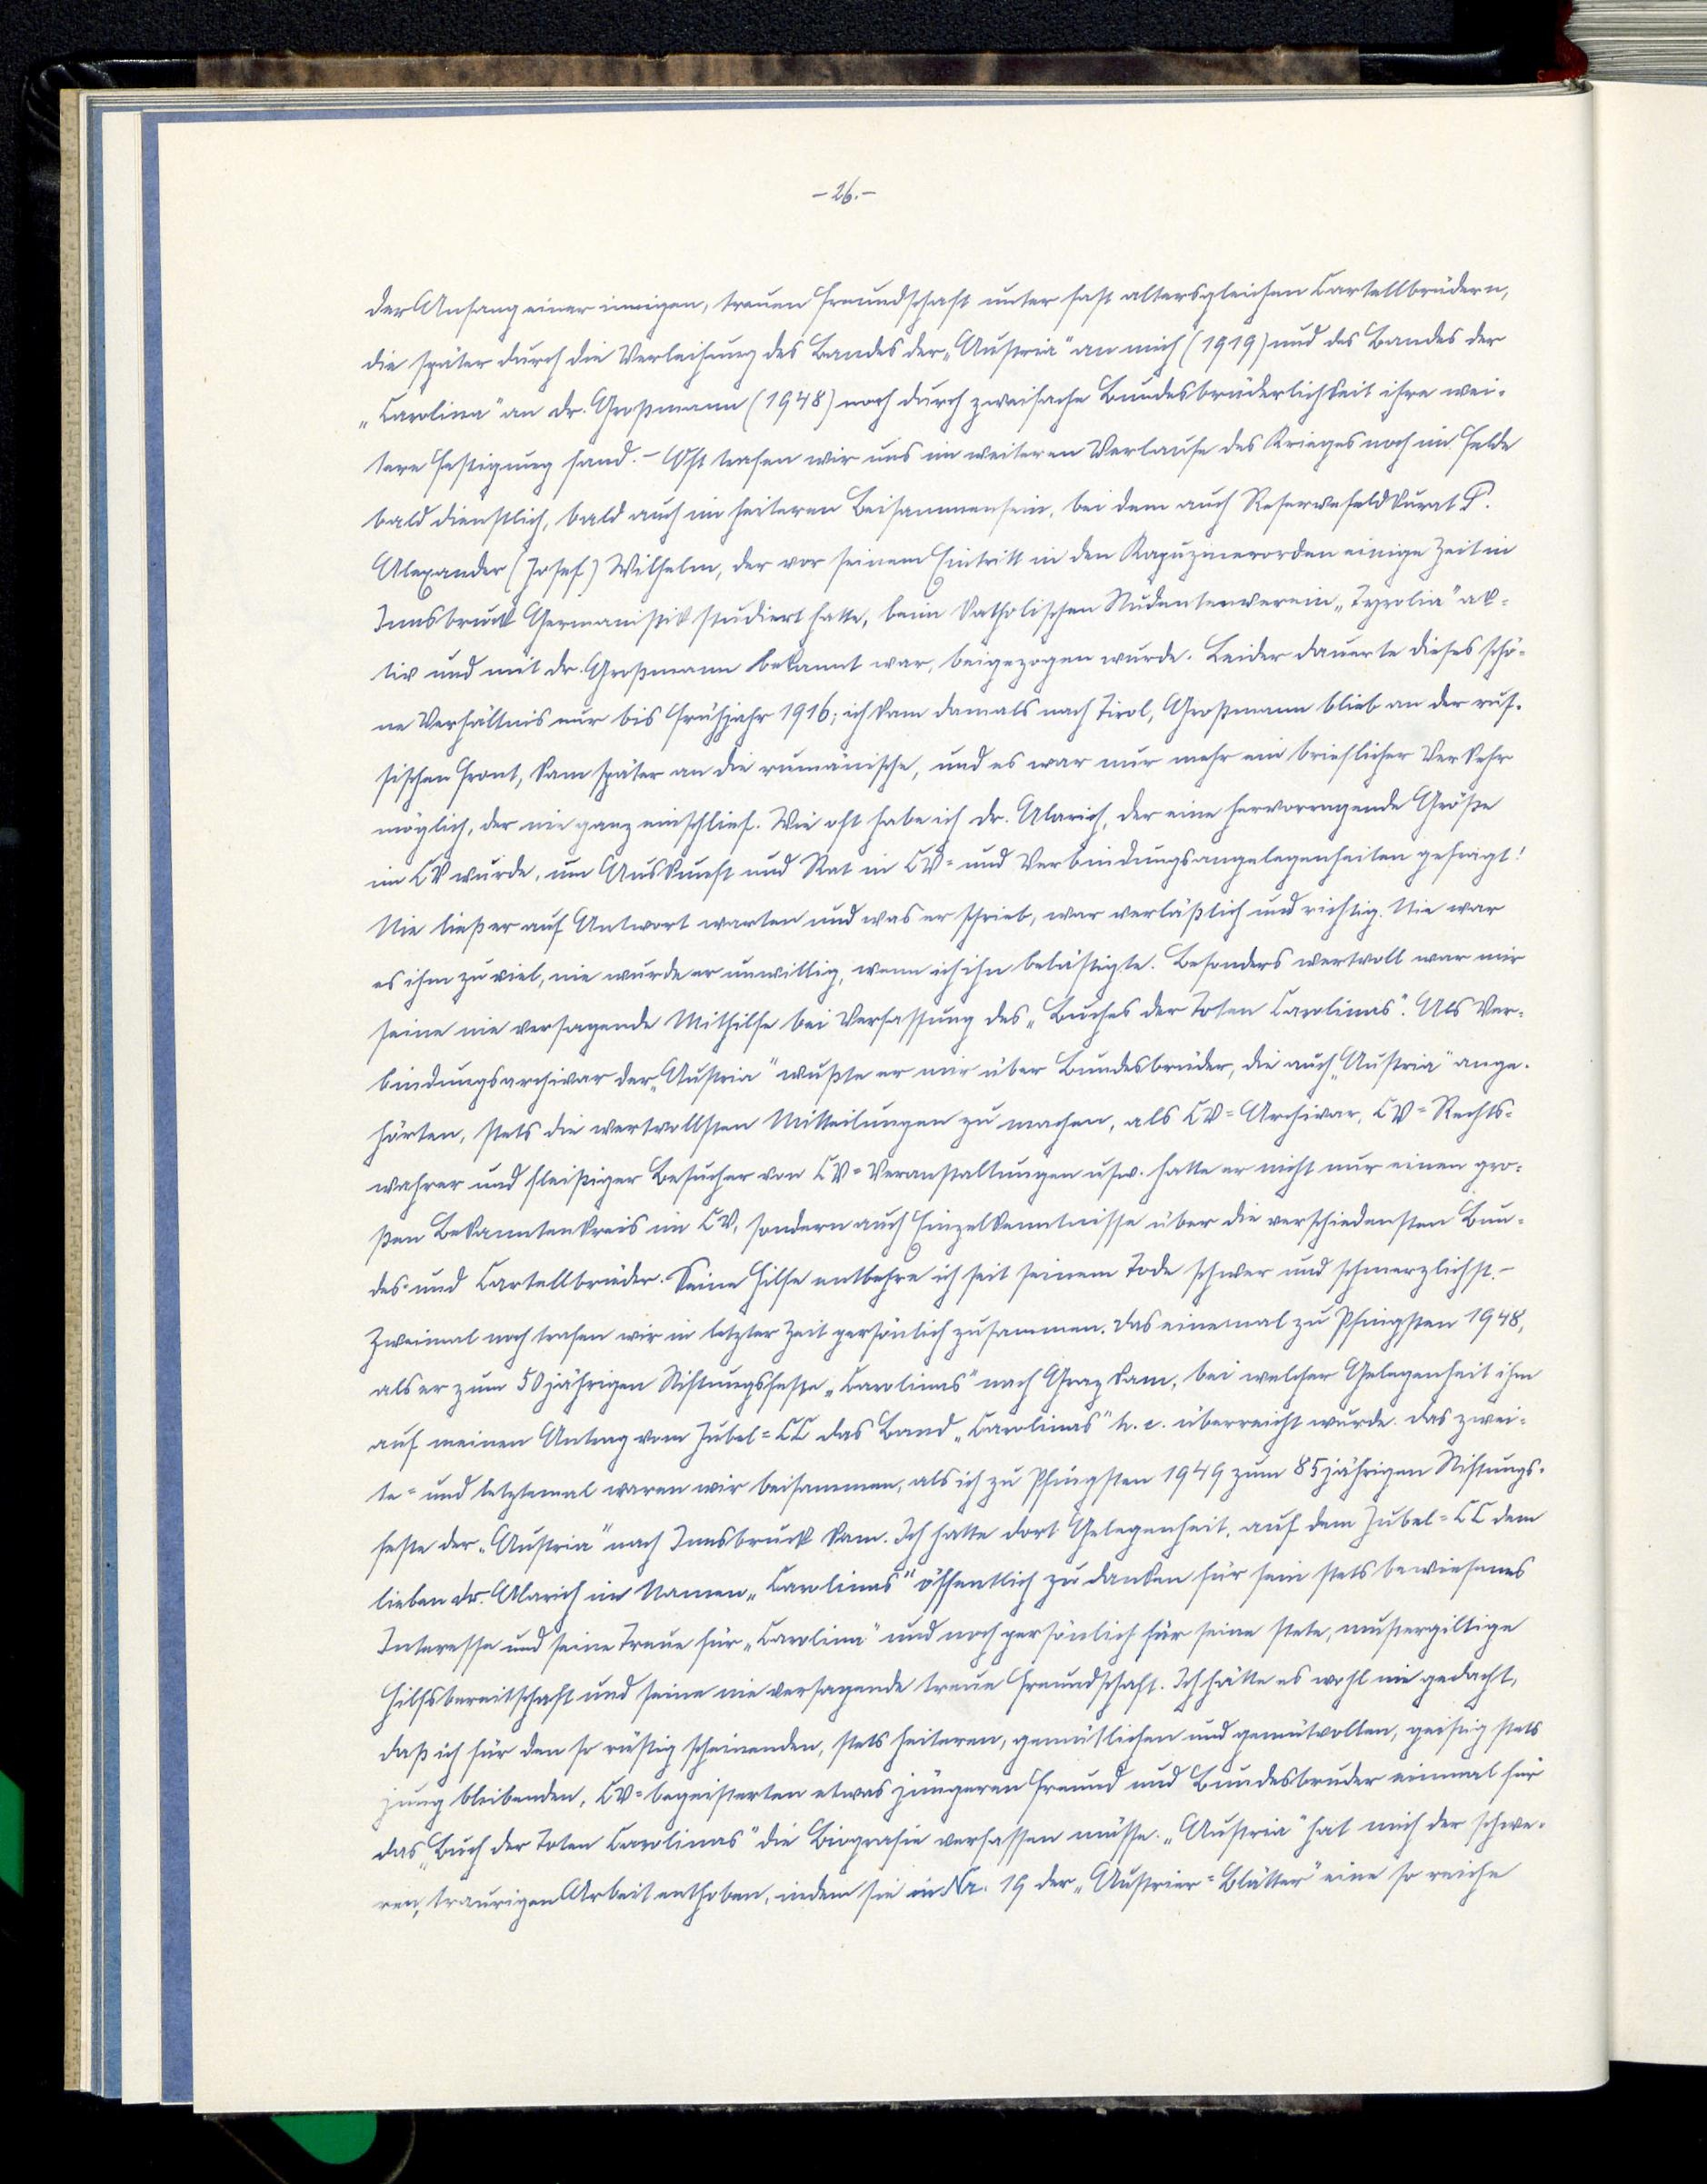26
der Anfang einer innigen, treuen Freundschaft unter fast altersgleichen Cartellbrüdern,
die später durch die Verleihung des Bandes der „Austria“ an mich (1919) und des Bandes der
„Carolina“ an Dr. Großmann (1948) noch durch zweifache Bundesbrüderlichkeit ihre wei-
tere Festigung fand. - Oft trafen wir uns im weiteren Verlauf des Krieges noch im Felde
bald dienstlich bald auch in heiterem Beisammensein, bei dem auch Reservefeldkurat P.
Alexander (Josef) Wilhelm, der von seinem Eintritt in den Kapuzinerordern einige Zeit in
Innsbruck Germanistik studiert hatte, beim katholischen Studentenverein „Tyrolia“ ak-
tiv und mit Dr. Großmann bekannt war, beigezogen wurde. Leider dauerte dieses schö-
ne Verhältnis nur bis Frühjahr 1916; ich kam damals nach Tirol,Großmann blieb an der rus-
sischen Front, kam später an die rumänische, und es war nur mehr ein brieflicher Verkehr
möglich, der nie ganz einschlief. Wie oft habe ich Dr. Alarich, der eine hervorragende Größe
im CV wurde, um Auskünfte und Rat in CV- und Verbindungsangelegenheiten gefragt!
Nie ließ er auf Antwort warten und was er schrieb, war verlässlich und richtig. Nie war
es ihm zu viel, nie wurde er unwillig, wenn ich ihn belästigte. Besonders wertvoll war mir
seine nie versagende Mithilfe bei Verfassung des „Buches der Toten Carolinas“. Als Ver-
bindungsarchivar der „Austria“ wusste er mir über Bundesbrüder, die noch „Austria“ ange-
hörten, stets die wertvollsten Mitteilungen zu machen, als CV-Archivar, CV- Rechts-
wahrer und fleißiger Besucher der CV-Veranstaltungen usw. hatte er nicht nur einen gro-
ßen Bekanntheitsgrad im CV, sondern auch Einzelkenntnisse über die verschiedensten Bun-
des- und Cartellbrüder. Seine Hilfe entbehre ich seit seinem Tode schwer und schmerzlichst.-
Zweimal noch trafen wir in letzter Zeit persönlich zusammen. Das einemal zu Pfingsten 1948,
als er zum 50jährigen Stiftungsfeste „Carolinas“ nach Graz kam, bei welcher Gelegenheit ihm
auf meinen Antrag vom Jubel-CC das Band „Carolinas“ h. c. überreicht wurde. Das zwei-
te - und letzte Mal waren wir beisammen, als sich zu Pfingsten 1949 zum 85jährigen Stiftungs-
feste der „Austria! nach Innsbruck kann. Ich hatte dort Gelegenheit auf dem Jubel-CC dem
lieben Dr. Alarich im Namen „Carolinas“ öffentlich zu danken für sein stets bewiesenes
Interesse und seine Treue für „Carolina“ und noch persönlich für seine stete, mustergültige
Hilfsbereitschaft und seine mir nie versagende treue Freundschaft. Ich hätte es wohl nie gedacht,
daß ich für den so rüstig scheinenden, stets heiteren, gemütlichen und gemütsvollen, geistig stets
jung bleibenden, CV-begeisterten etwas jüngeren Freund und Bundesbruder einmal für
das !Buch der Toten Carolinas“ die Biografie verfassen müsste. „Austria“ hat mich der schwe-
ren, traurigen Arbeit enthoben, indem sie in Nr 19 der „Austrier-Blätter“ eine so reiche